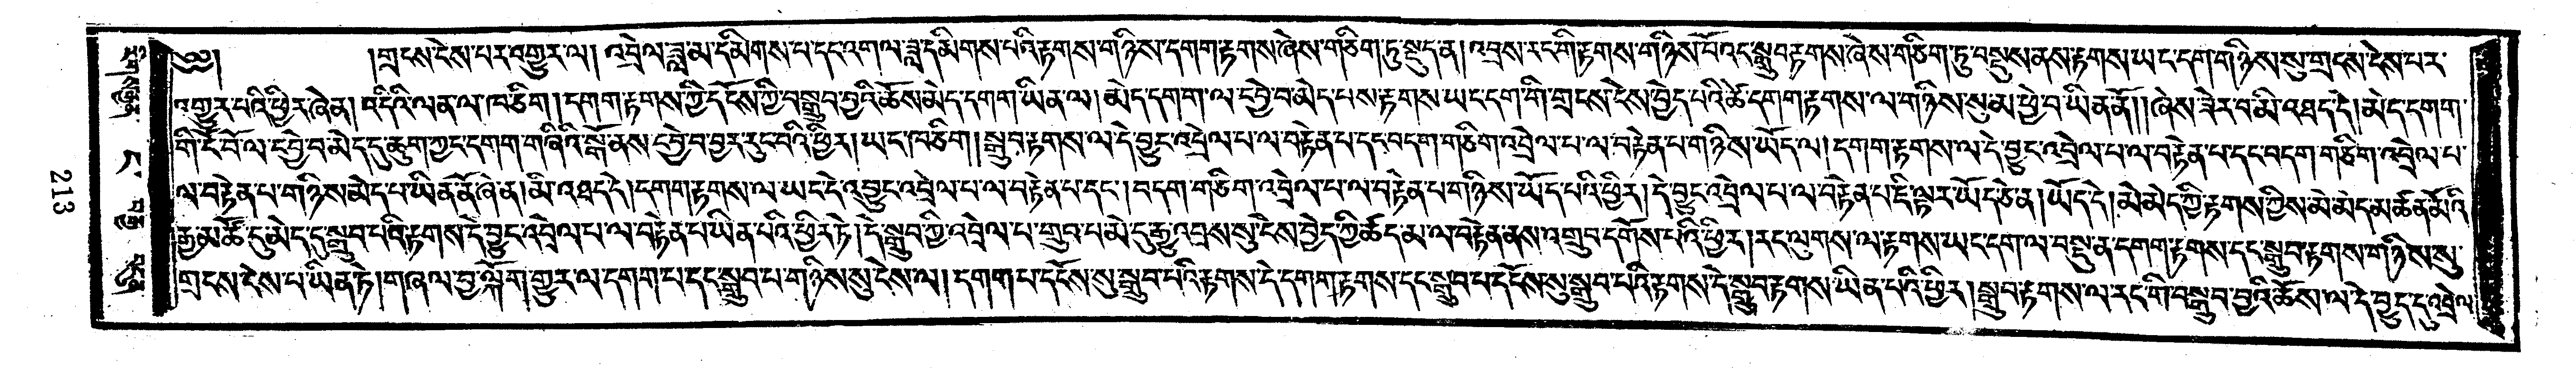༄༅། །གྲངས་ངེས་པར་འགྱུར་ལ། འབྲེལ་ཟླ་མ་དམིགས་པ་དང་འགལ་ཟླ་དམིགས་པའི་རྟགས་གཉིས་དགག་རྟགས་ཞེས་གཅིག་ཏུ་སྡུད་ན། འབྲས་རང་གི་རྟགས་གཉིས་པོའང་སྒྲུབ་རྟགས་ཞེས་གཅིག་ཏུ་བསྡུས་ནས་རྟགས་ཡང་དག་གཉིས་སུ་གྲངས་ངེས་པར་
འགྱུར་པའི་ཕྱིར་ཞེ་ན། འདིའི་ལན་ལ་ཁ་ཅིག །དགག་རྟགས་ཀྱི་དངོས་ཀྱི་བསྒྲུབ་བྱའི་ཆོས་མེད་དགག་ཡིན་ལ། མེད་དགག་ལ་དབྱེ་བ་མེད་པས་རྟགས་ཡང་དག་གི་གྲངས་ངེས་བྱེད་པའི་ཚེ་དགག་རྟགས་ལ་གཉིས་སུ་མ་ཕྱེ་བ་ཡིན་ནོ། །ཞེས་ཟེར་བ་མི་འཐད་དེ། མེད་དགག་
གི་ངོ་བོ་ལ་དབྱེ་བ་མེད་དུ་ཆུག་ཀྱང་དགག་གཞིའི་སྒོ་ནས་དབྱེ་བ་བྱར་རུང་བའི་ཕྱིར། ཡང་ཁ་ཅིག །སྒྲུབ་རྟགས་ལ་དེ་བྱུང་འབྲེལ་བ་ལ་བརྟེན་པ་དང་བདག་གཅིག་འབྲེལ་བ་ལ་བརྟེན་པ་གཉིས་ཡོད་ལ། དགག་རྟགས་ལ་དེ་བྱུང་འབྲེལ་པ་ལ་བརྟེན་པ་དང་བདག་གཅིག་འབྲེལ་པ་
ལ་བརྟེན་པ་གཉིས་མེད་པ་ཡིན་ནོ་ཞེ་ན། མི་འཐད་དེ། དགག་རྟགས་ལ་ཡང་དེ་བྱུང་འབྲེལ་པ་ལ་བརྟེན་པ་དང་། བདག་གཅིག་འབྲེལ་པ་ལ་བརྟེན་པ་གཉིས་ཡོད་པའི་ཕྱིར། དེ་བྱུང་འབྲེལ་པ་ལ་བརྟེན་པ་ཇི་ལྟར་ཡོད་ཅེ་ན། ཡོད་དེ། མེ་མེད་ཀྱི་རྟགས་ཀྱིས་མེ་མེད་མཚན་མོའི་
རྒྱ་མཚོ་དུ་མེད་དུ་སྒྲུབ་པའི་རྟགས་དེ་བྱུང་འབྲེལ་པ་ལ་བརྟེན་པ་ལ་བརྟེན་པ་ཡིན་པའི་ཕྱིར་ཏེ། དེ་སྒྲུབ་ཀྱི་འབྲེལ་པ་གྲུབ་པ་མེད་དུ་རྒྱུ་འབྲས་སུ་ངེས་བྱེད་ཀྱི་ཚད་མ་ལ་བརྟེན་ནས་འགྲུབ་དགོས་པའི་ཕྱིར། རང་ལུགས་ལ་རྟགས་ཡང་དག་ལ་བསྡུ་ན་དགག་རྟགས་ཡང་དག་ལ་བསྡུ་ན་དགག་རྟགས་དང་སྒྲུབ་རྟགས་གཉིས་སུ་
གྲངས་ངེས་པ་ཡིན་ཏེ། གཞལ་བྱ་ལྐོག་གྱུར་ལ་དགག་པ་དང་སྒྲུབ་པ་གཉིས་སུ་ངེས་ལ། དགག་པ་དངོས་སུ་སྒྲུབ་པའི་རྟགས་དེ་དགག་རྟགས་དང་སྒྲུབ་པ་དངོས་སུ་སྒྲུབ་པའི་རྟགས་དེ་སྒྲུབ་རྟགས་ཡིན་པའི་ཕྱིར། སྒྲུབ་རྟགས་ལ་རང་གི་བསྒྲུབ་བྱའི་ཆོས་ལ་དེ་བྱུང་དུ་འབྲེལ་